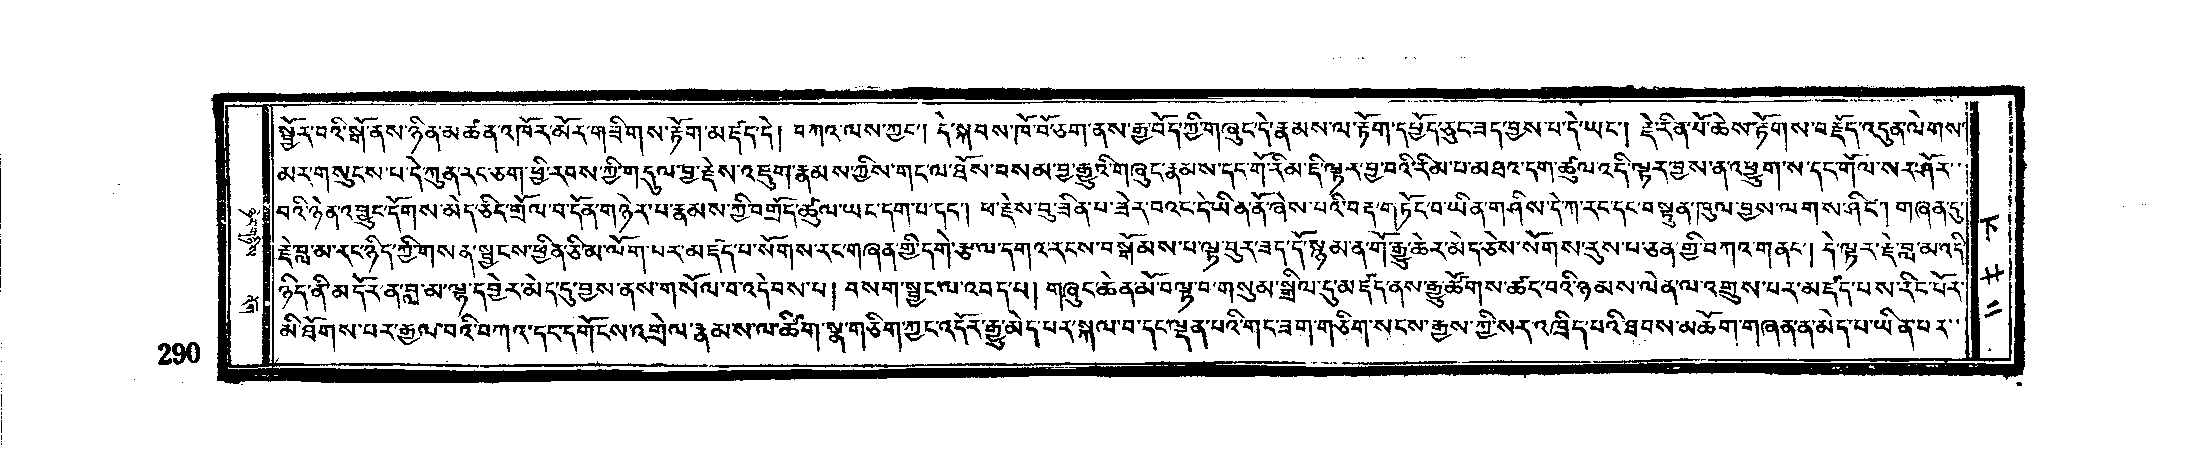སྦྱོར་བའི་སྒོ་ནས་ཉིན་མཚན་འཁོར་མོར་གཟིགས་རྟོག་མཛད་དེ། བཀའ་ལས་ཀྱང་། དེ་སྐབས་ཁོ་བོ་ཅག་ནས་རྒྱ་བོད་ཀྱི་གཞུང་དེ་རྣམས་ལ་རྟོག་དཔྱོད་ཅུང་ཟད་བྱས་པ་དེ་ཡང་། རྗེ་རིན་པོ་ཆེས་རྟོགས་བརྗོད་འདུན་ལེགས་
མར་གསུངས་པ་དེ་ཀུན་རང་ཅག་ཕྱི་རབས་ཀྱི་གདུལ་བྱ་རྗེས་འཇུག་རྣམས་ཀྱིས་གང་ལ་ཐོས་བསམ་བྱ་རྒྱུའི་གཞུང་རྣམས་དང་གོ་རིམ་ཇི་ལྟར་བྱ་བའི་རིམ་པ་མཐའ་དག་ཚུལ་འདི་ལྟར་བྱས་ན་འཕྱུག་ས་དང་གོལ་སར་ཤོར་
བའི་ཉེན་འབྱུང་དོགས་མེད་ཅིང་གྲོལ་བ་དོན་གཉེར་པ་རྣམས་ཀྱི་བགྲོད་ཚུལ་ཡང་དག་པ་དང་། ཕ་རྗེས་བུ་ཟིན་པ་ཟེར་བའང་དེ་ཡིན་ནོ་ཞེས་པའི་བརྡ་གཏོང་བ་ཡིན་གཤིས་དེ་ཀ་རང་དང་བསྟུན་ཁུལ་བྱས་ལགས་ཤིང་། གཞན་དུ་
རྗེ་བླ་མ་རང་ཉིད་ཀྱི་གསན་སྦྱངས་ཕྱིན་ཅི་མ་ལོག་པར་མཛད་པ་སོགས་རང་གཞན་གྱི་དགེ་རྩ་ལ་དགའ་རངས་བསྒོམས་པ་ལྟ་བུར་ཟད་དོ་སྙམ་ན་གོ་རྒྱུ་ཆེར་མེད་ཅེས་སོགས་རུས་པ་ཅན་གྱི་བཀའ་གནང་། དེ་ལྟར་རྗེ་བླ་མ་འདི་
ཉིད་ནི་མདོར་ན་བླ་མ་ལྷ་དབྱེར་མེད་དུ་བྱས་ནས་གསོལ་བ་འདེབས་པ། བསག་སྦྱང་ལ་འབད་པ། གཞུང་ཆེན་མོ་བལྟ་བ་གསུམ་སྒྲིལ་དུ་མཛད་ནས་རྒྱུ་ཚོགས་ཚང་བའི་ཉམས་ལེན་ལ་འགྲུས་པར་མཛད་པས་རིང་པོར་
མི་ཐོགས་པར་རྒྱལ་བའི་བཀའ་དང་དགོངས་འགྲེལ་རྣམས་ལ་ཚིག་སྣ་གཅིག་ཀྱང་འདོར་རྒྱུ་མེད་པར་སྐལ་བ་དང་ལྡན་པའི་གང་ཟག་གཅིག་སངས་རྒྱས་ཀྱི་སར་འཁྲིད་པའི་ཐབས་མཆོག་གཞན་ན་མེད་པ་ཡིན་པར་